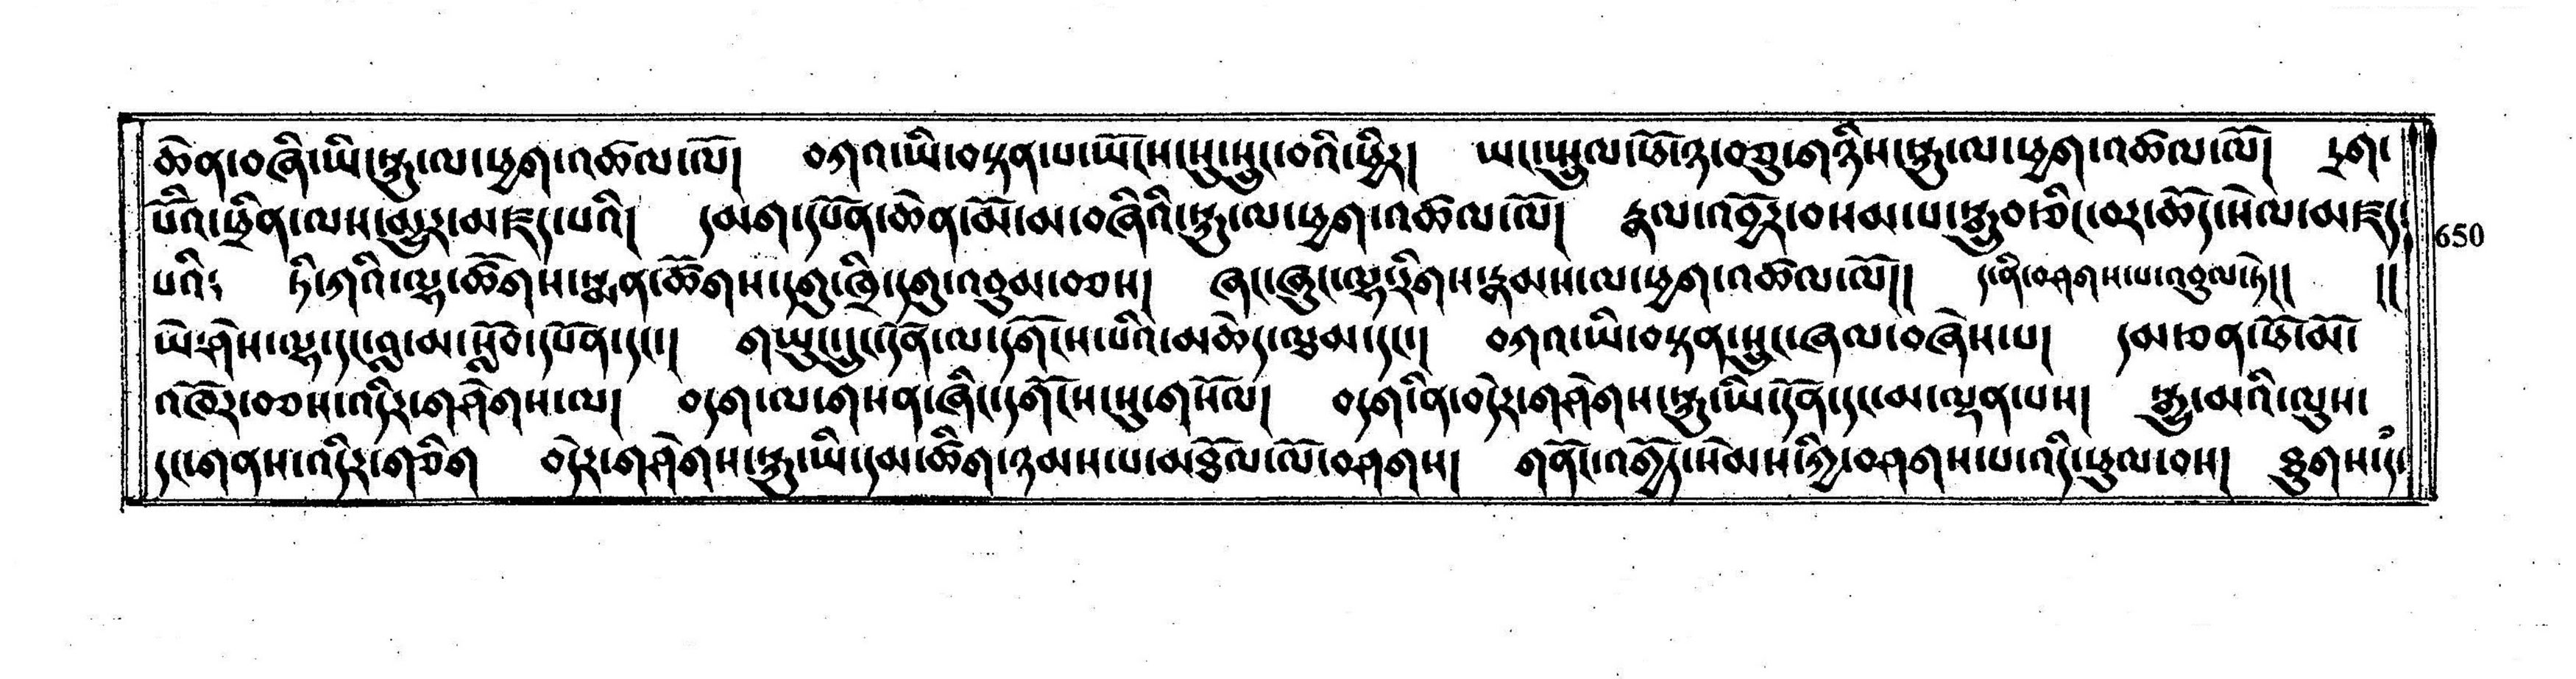ཆེན་བཞི་ཡི་སྐུ་ལ་ཕྱག་འཚལ་ལོ། བཀའ་ཡི་བསྟན་པ་ཡོངས་སུ་སྲུང་བའི་ཕྱིར། ཡང་སྤྲུལ་ཕོ་ཉ་བཅུ་གཉིས་སྐུ་ལ་ཕྱག་འཚལ་ལོ། དྲག་
པོའི་ཕྲིན་ལས་མྱུར་མཛད་པའི། དམག་དཔོན་ཆེན་མོ་མ་བཞིའི་སྐུ་ལ་ཕྱག་འཚལ་ལོ། རྣལ་འབྱོར་བསམ་པ་སྒྲུབ་ཅིང་བར་ཆོད་སེལ་མཛད་
པའི། ཏི་ཀའི་ལྷ་ཚོགས་སྨན་ཚོགས་དགུ་ཁྲི་དགུ་འབུམ་བཅས། ཞང་ཞུང་ལྷ་རིགས་རྣམས་ལ་ཕྱག་འཚལ་ལོ།། ད་ནི་བཤགས་པ་འབུལ་ཏེ།། །།
ཡེ་ཤེས་ལྷ་དང་བླ་མ་སློབ་དཔོན་དང་། གཡུང་དྲུང་དོན་ལ་དགོངས་པའི་མཆེད་ལྕམ་དང་། བཀའ་ཡི་བསྟན་སྲུང་ཞལ་བཞེས་པ། དམ་ཅན་ཕོ་མོ་
འཁོར་བཅས་འདིར་གཤེགས་ལ། བདག་ལ་གསན་ཞིང་དགོངས་སུ་གསོལ། བདག་ནི་བདེར་གཤེགས་སྐུ་ཡི་དོན་དང་མ་ལྡན་པས། སྒྱུ་མའི་ལུས་
དང་གནས་འདིར་གཅིག བདེར་གཤེགས་སྐུ་ཡི་དམ་ཚིག་ཉམས་པ་མཐོལ་ལོ་བཤགས། གནོང་འགྱོད་སེམས་ཀྱི་བཤགས་པ་འདི་ཕུལ་བས། ཐུགས་དམ་